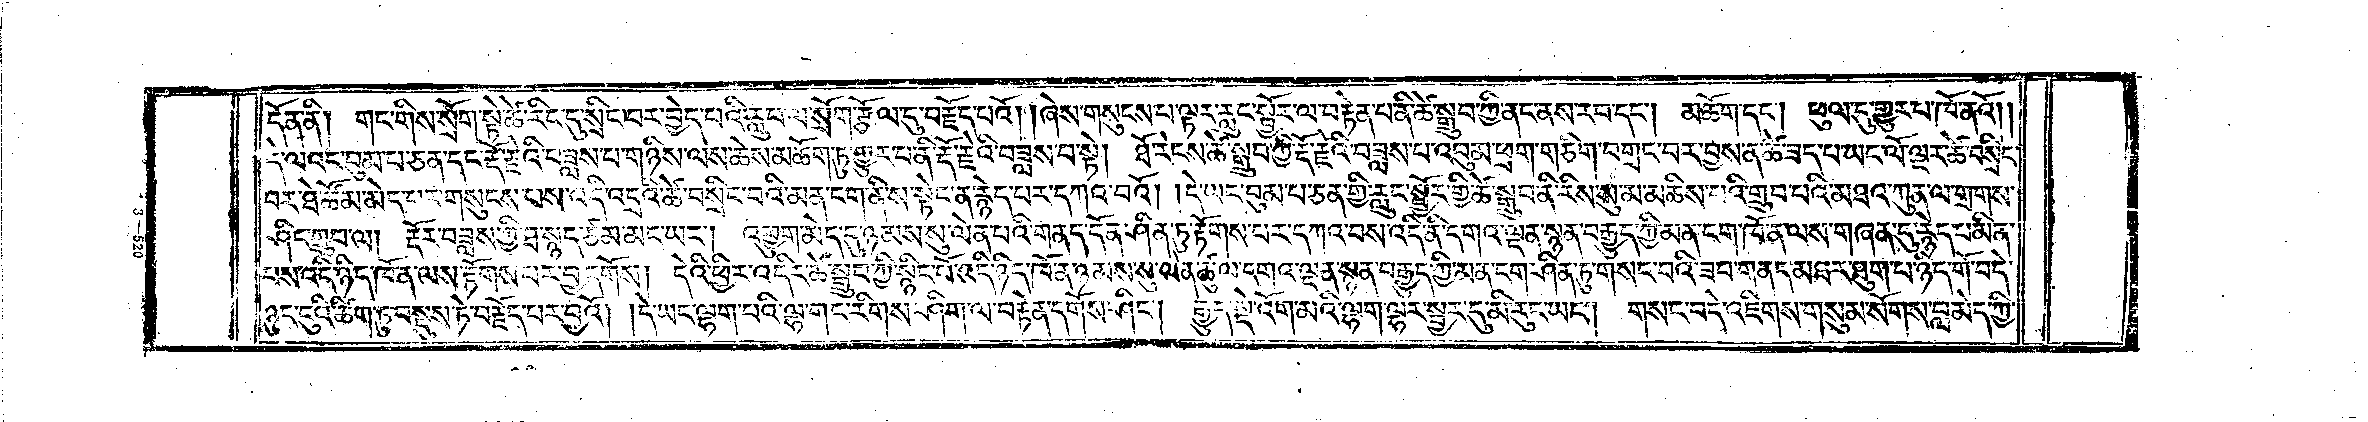དོན་ནི། གང་གིས་སྲོག་སྟེ་ཚེ་རིང་དུ་སྲིང་བར་བྱེད་པའི་རླུང་ལ་སྲོག་རྩོལ་དུ་བརྗོད་པའོ། །ཞེས་གསུངས་པ་ལྟར་རླུང་སྦྱོར་ལ་བརྟེན་པ་ནི་ཚེ་སྒྲུབ་ཀྱི་ནང་ནས་རབ་དང་། མཆོག་དང་། ཕུལ་དུ་གྱུར་པ་ཁོ་ནའོ།།
དེ་ལའང་བུམ་པ་ཅན་དང་རྡོ་རྗེའི་བཟླས་པ་གཉིས་ལས་ཆེས་མཆོག་ཏུ་གྱུར་པ་ནི་རྡོ་རྗེའི་བཟླས་པ་སྟེ། ཐོ་རེངས་ཚེ་སྒྲུབ་ཀྱི་རྡོ་རྗེའི་བཟླས་པ་འབུམ་ཕྲག་གཅིག་བགྲང་བར་བྱས་ན་ཚེ་ཟད་པ་ཡང་ལོ་ལྔར་ཚེ་བསྲིང་
བར་ཐེ་ཚོམ་མེད་པར་གསུངས་པས་འདི་འདྲའི་ཚེ་བསྲིང་བའི་མན་ངག་གི་ས་སྟེང་ན་རྙེད་པར་དཀའ་བའོ། །དེ་ཡང་བུམ་པ་ཅན་གྱི་རླུང་སྦྱོར་གྱི་ཚེ་སྒྲུབ་ནི་རིས་སུ་མ་མཆིས་པའི་གྲུབ་པའི་མཐའ་ཀུན་ལ་གྲགས་
ཤིང་གྲུབ་ལ། རྡོར་བཟླས་ཀྱི་ཐ་སྙད་ཙམ་མང་ཡང་། འཕྱུག་མེད་དུ་ཉམས་སུ་ལེན་པའི་གནད་དོན་ཤིན་ཏུ་རྟོགས་པར་དཀའ་བས་འདི་ནི་དགའ་ལྡན་སྙན་བརྒྱུད་ཀྱི་མན་ངག་ཁོ་ན་ལས་གཞན་དུ་རྙེད་པ་མིན་
པས་འདི་ཉིད་ཁོ་ན་ལས་རྟོགས་པར་བྱ་དགོས། དེའི་ཕྱིར་འདིར་ཚེ་སྒྲུབ་ཀྱི་སྙིང་པོ་འདི་ཉིད་ཁོ་ན་ཉམས་སུ་ལེན་ཚུལ་དགའ་ལྡན་སྙན་བརྒྱུད་ཀྱི་མན་ངག་ཤིན་ཏུ་གསང་བའི་ཟབ་གནད་མཐར་ཐུག་པ་ཉིད་གོ་བ་དེ་
ཉུང་དུའི་ཚིག་ཏུ་བསྡུས་ཏེ་བརྗོད་པར་བྱའོ། །དེ་ཡང་ལྷག་པའི་ལྷ་གང་རིགས་ཤིག་ལ་བརྟེན་དགོས་ཤིང་། རྒྱུད་སྡེ་འོག་མའི་ལྷག་ལྷར་སྦྱར་དུ་མི་རུང་ཡང་། གསང་བདེ་འཇིགས་གསུམ་སོགས་བླ་མེད་ཀྱི་